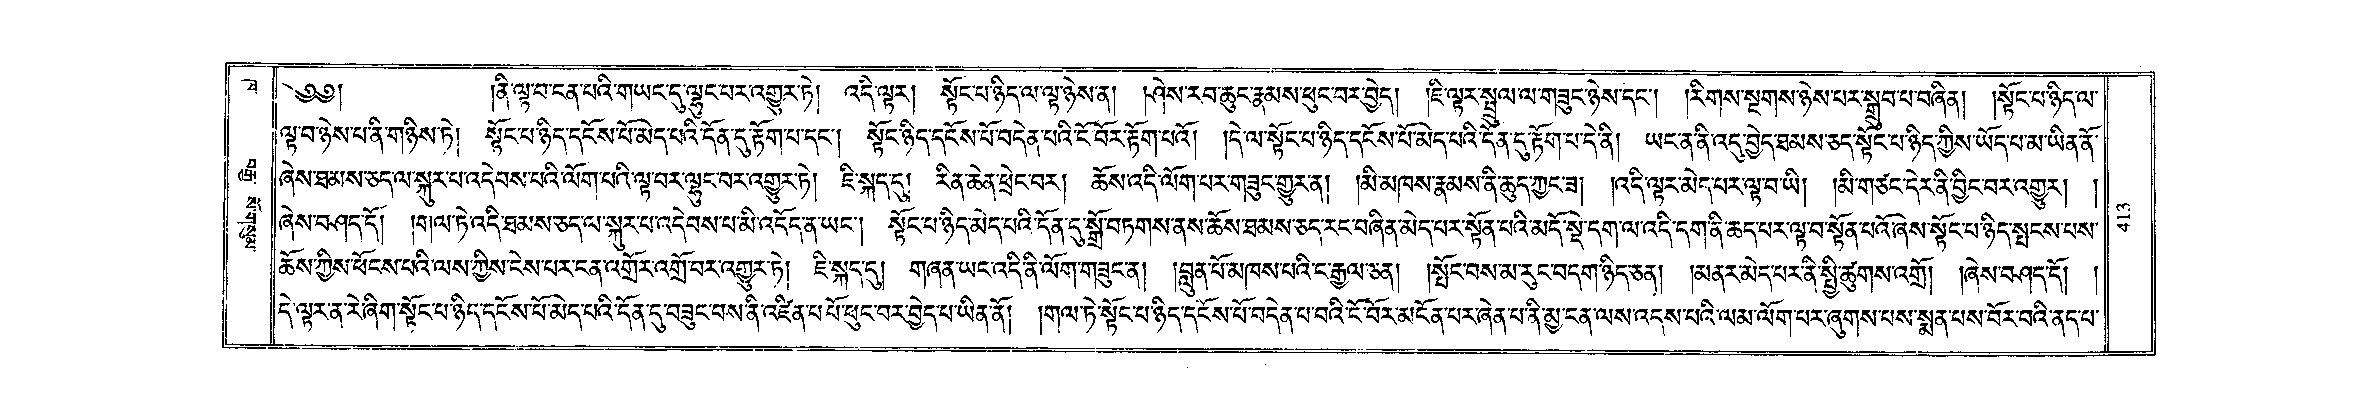༄༅། །ནི་ལྟ་བ་ངན་པའི་གཡང་དུ་ལྷུང་པར་འགྱུར་ཏེ། འདི་ལྟར། སྟོང་པ་ཉིད་ལ་ལྟ་ཉེས་ན། །ཤེས་རབ་ཆུང་རྣམས་ཕུང་བར་བྱེད། །ཇི་ལྟར་སྦྲུལ་ལ་གཟུང་ཉེས་དང་། །རིགས་སྔགས་ཉེས་པར་སྒྲུབ་པ་བཞིན། །སྟོང་པ་ཉིད་ལ་
ལྟ་བ་ཉེས་པ་ནི་གཉིས་ཏེ། སྟོང་པ་ཉིད་དངོས་པོ་མེད་པའི་དོན་དུ་རྟོག་པ་དང་། སྟོང་ཉིད་དངོས་པོ་བདེན་པའི་ངོ་བོར་རྟོག་པའོ། །དེ་ལ་སྟོང་པ་ཉིད་དངོས་པོ་མེད་པའི་དོན་དུ་རྟོག་པ་དེ་ནི། ཡང་ན་ནི་འདུ་བྱེད་ཐམས་ཅད་སྟོང་པ་ཉིད་ཀྱིས་ཡོད་པ་མ་ཡིན་ནོ་
ཞེས་ཐམས་ཅད་ལ་སྐུར་པ་འདེབས་པའི་ལོག་པའི་ལྟ་བར་ལྷུང་བར་འགྱུར་ཏེ། ཇི་སྐད་དུ། རིན་ཆེན་ཕྲེང་བར། ཆོས་འདི་ལོག་པར་གཟུང་གྱུར་ན། །མི་མཁས་རྣམས་ནི་ཆུད་ཀྱང་ཟ། །འདི་ལྟར་མེད་པར་ལྟ་བ་ཡི། །མི་གཙང་དེར་ནི་བྱིང་བར་འགྱུར། །
ཞེས་བཤད་དོ། །གལ་ཏེ་འདི་ཐམས་ཅད་ལ་སྐུར་པ་འདེབས་པ་མི་འདོད་ན་ཡང་། སྟོང་པ་ཉིད་མེད་པའི་དོན་དུ་སྒྲོ་བཏགས་ནས་ཆོས་ཐམས་ཅད་རང་བཞིན་མེད་པར་སྟོན་པའི་མདོ་སྡེ་དག་ལ་འདི་དག་ནི་ཆད་པར་ལྟ་བ་སྟོན་པའོ་ཞེས་སྟོང་པ་ཉིད་སྤངས་པས་
ཆོས་ཀྱིས་ཕོངས་པའི་ལས་ཀྱིས་ངེས་པར་ངན་འགྲོར་འགྲོ་བར་འགྱུར་ཏེ། ཇི་སྐད་དུ། གཞན་ཡང་འདི་ནི་ལོག་གཟུང་ན། །བླུན་པོ་མཁས་པའི་ང་རྒྱལ་ཅན། །སྤོང་བས་མ་རུང་བདག་ཉིད་ཅན། །མནར་མེད་པར་ནི་སྤྱི་ཚུགས་འགྲོ། །ཞེས་བཤད་དོ། །
དེ་ལྟར་ན་རེ་ཞིག་སྟོང་པ་ཉིད་དངོས་པོ་མེད་པའི་དོན་དུ་བཟུང་བས་ནི་འཛིན་པ་པོ་ཕུང་བར་བྱེད་པ་ཡིན་ནོ། །གལ་ཏེ་སྟོང་པ་ཉིད་དངོས་པོ་བདེན་པ་བའི་ངོ་བོར་མངོན་པར་ཞེན་པ་ནི་མྱ་ངན་ལས་འདས་པའི་ལམ་ལོག་པར་ཞུགས་པས་སྨན་པས་བོར་བའི་ནད་པ་